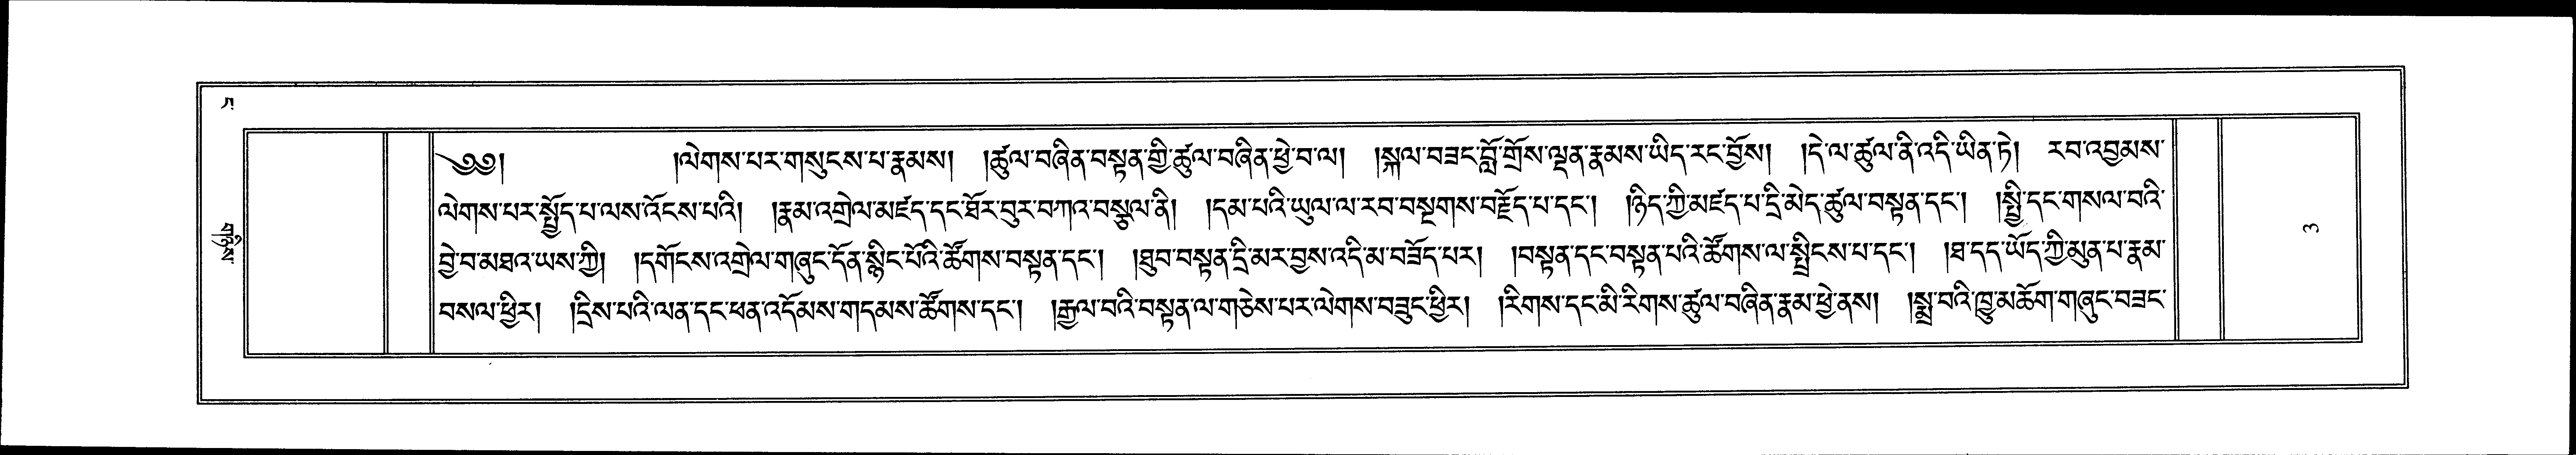༄༅། །ལེགས་པར་གསུངས་པ་རྣམས། །ཚུལ་བཞིན་བསྟན་གྱི་ཚུལ་བཞིན་ཕྱེ་བ་ལ། །སྐལ་བཟང་བློ་གྲོས་ལྡན་རྣམས་ཡིད་རང་བྱོས། །དེ་ལ་ཚུལ་ནི་འདི་ཡིན་ཏེ། རབ་འབྱམས་
ལེགས་པར་སྤྱོད་པ་ལས་འོངས་པའི། །རྣམ་འགྲེལ་མཛད་དང་ཐོར་བུར་བཀའ་བསྩལ་ནི། །དམ་པའི་ཡུལ་ལ་རབ་བསྔགས་བརྗོད་པ་དང་། །ཉིད་ཀྱི་མཛད་པ་དྲི་མེད་ཚུལ་བསྟན་དང་། །སྤྱི་དང་གསལ་བའི་
བྱེ་བ་མཐའ་ཡས་ཀྱི། །དགོངས་འགྲེལ་གཞུང་དོན་སྙིང་པོའི་ཚོགས་བསྟན་དང་། །ཐུབ་བསྟན་དྲི་མར་བྱས་འདི་མ་བཟོད་པར། །བསྟན་དང་བསྟན་པའི་ཚོགས་ལ་སྤྲིངས་པ་དང་། །ཐ་དད་ཡོད་ཀྱི་མུན་པ་རྣམ་
བསལ་ཕྱིར། །དྲིས་པའི་ལན་དང་ཕན་འདོམས་གདམས་ཚོགས་དང་། །རྒྱལ་བའི་བསྟན་ལ་གཅེས་པར་ལེགས་བཟུང་ཕྱིར། །རིགས་དང་མི་རིགས་ཚུལ་བཞིན་རྣམ་ཕྱེ་ནས། །སྨྲ་བའི་ཁྱུ་མཆོག་གཞུང་བཟང་